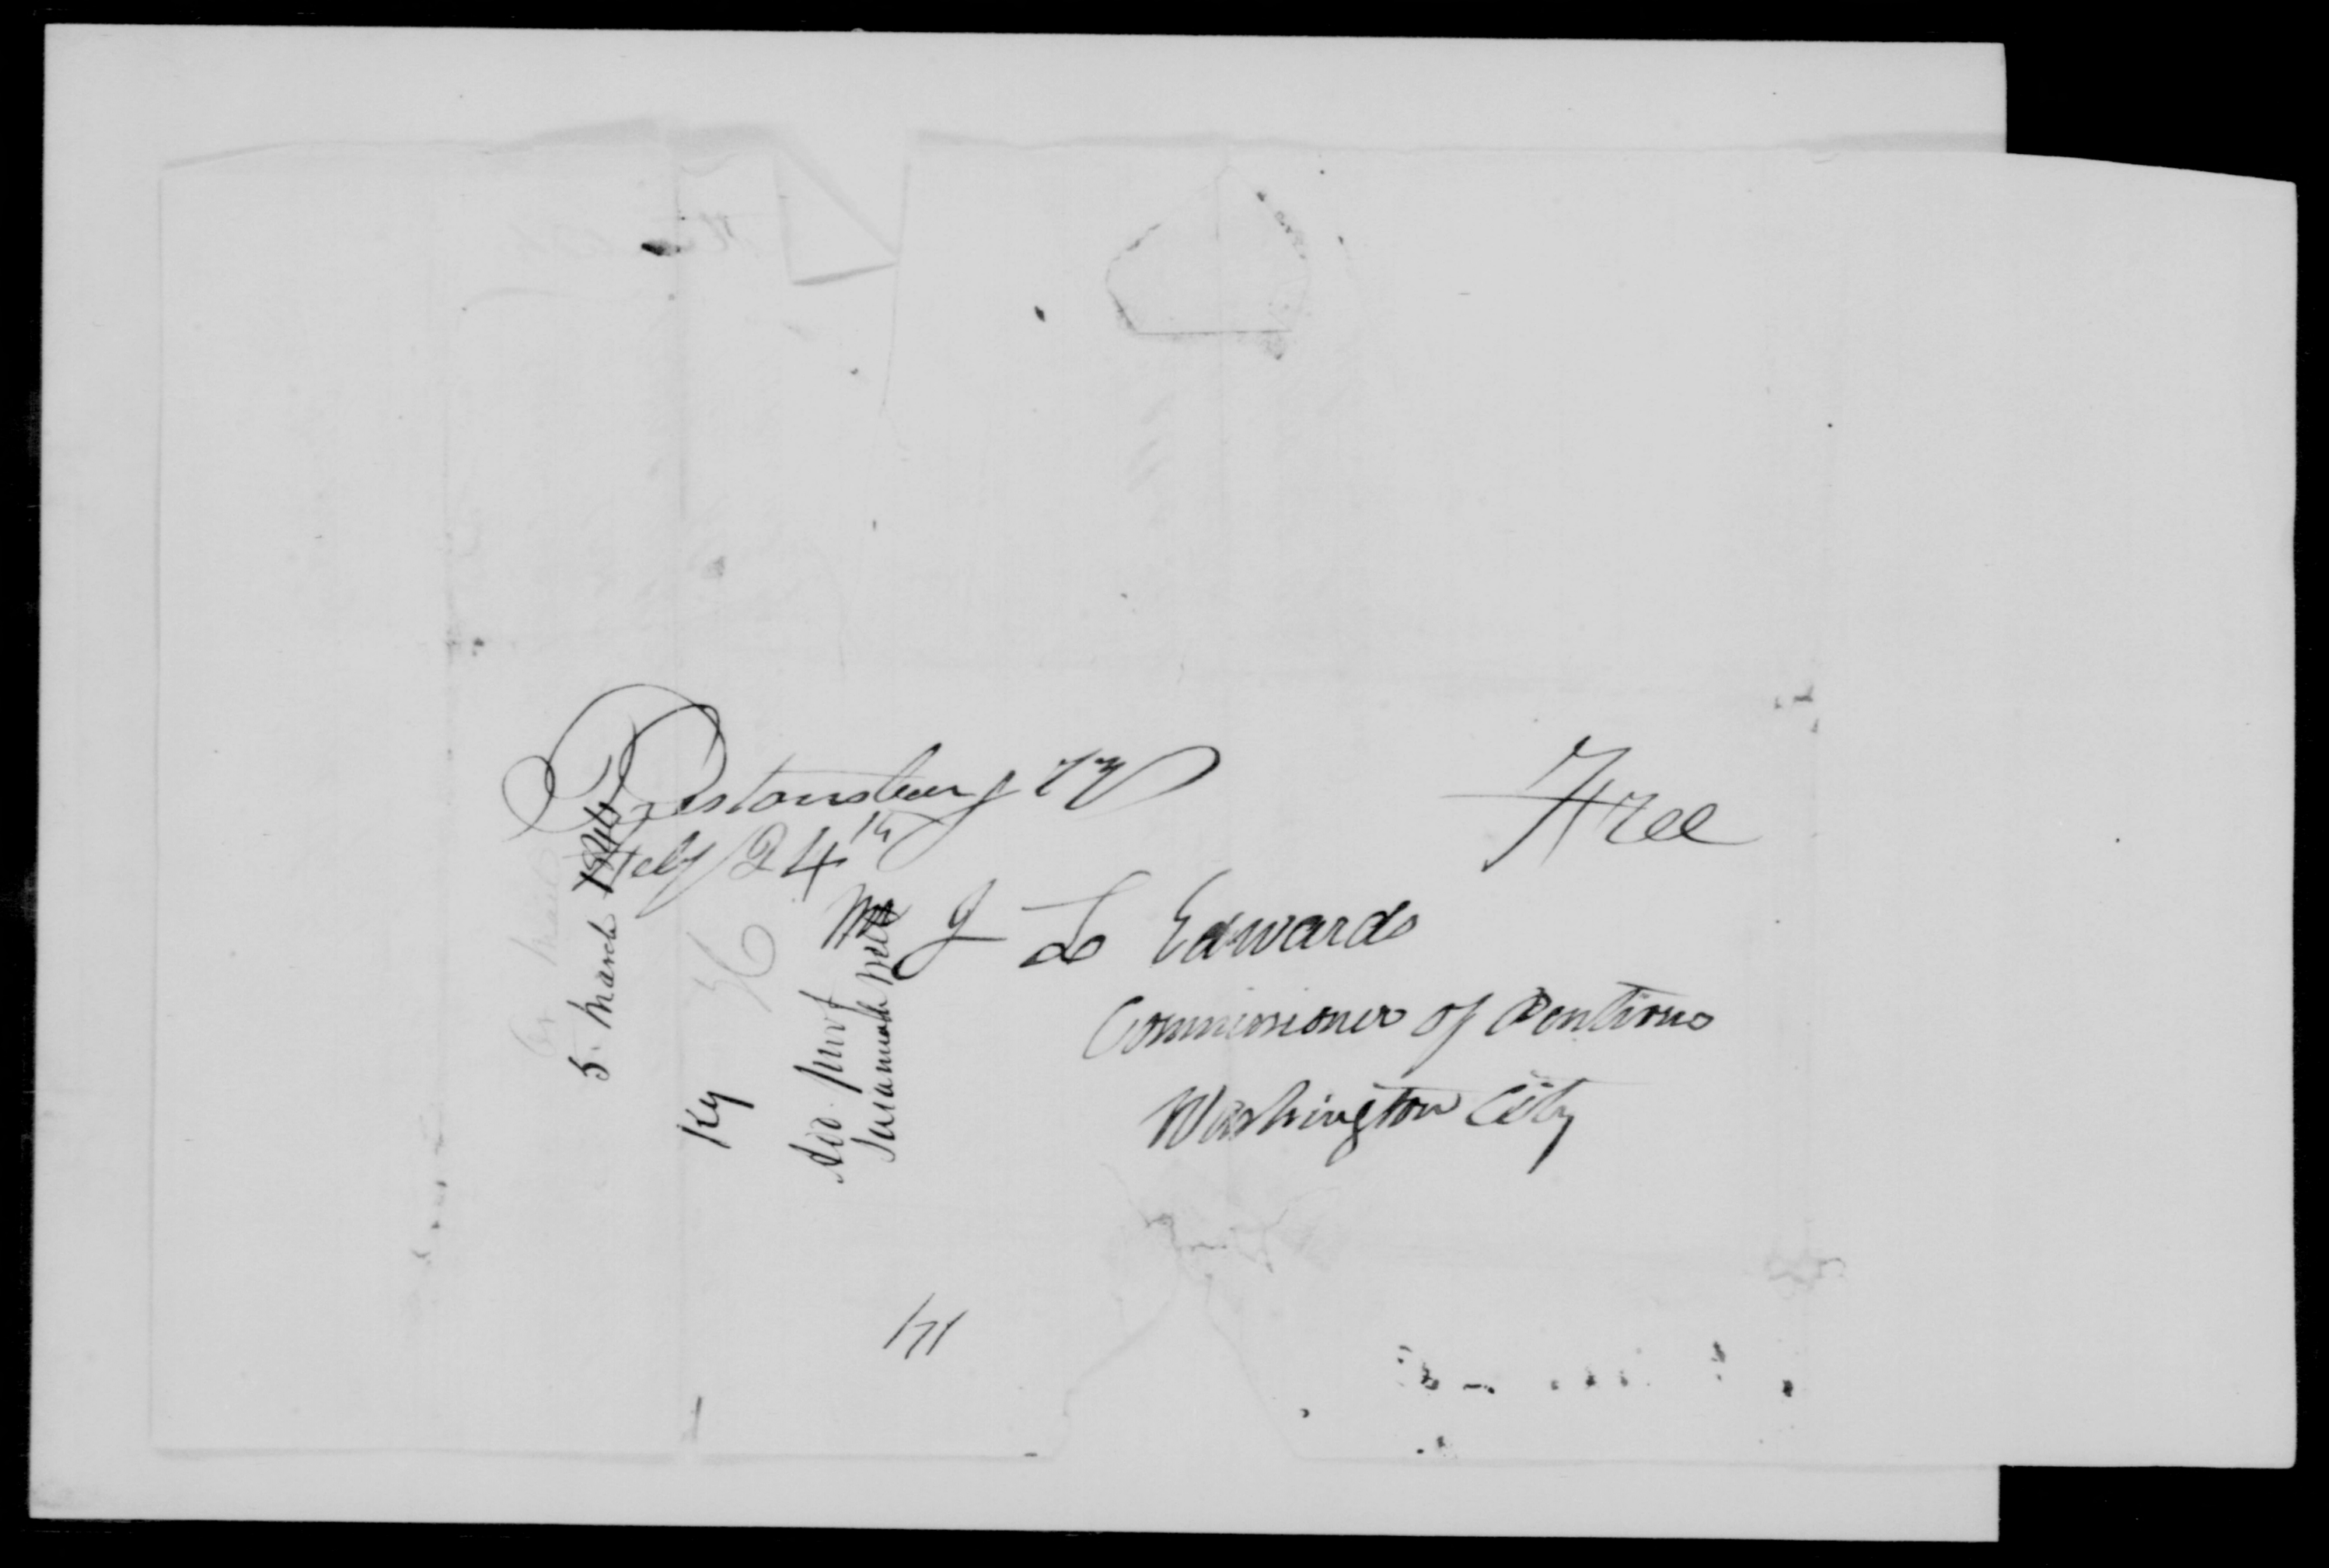Prestonsburg, Ky
Feby 24th

Free
Mr J L Edwards
Commissioner of Pensions
Washington City

5 March 1846
Ky
Add'l proof
Susannah Wells

14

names: Susannah Wells, J L Edwards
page: 57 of 100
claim: widow's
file: W. 6437, Richard Wells, Ga Va.